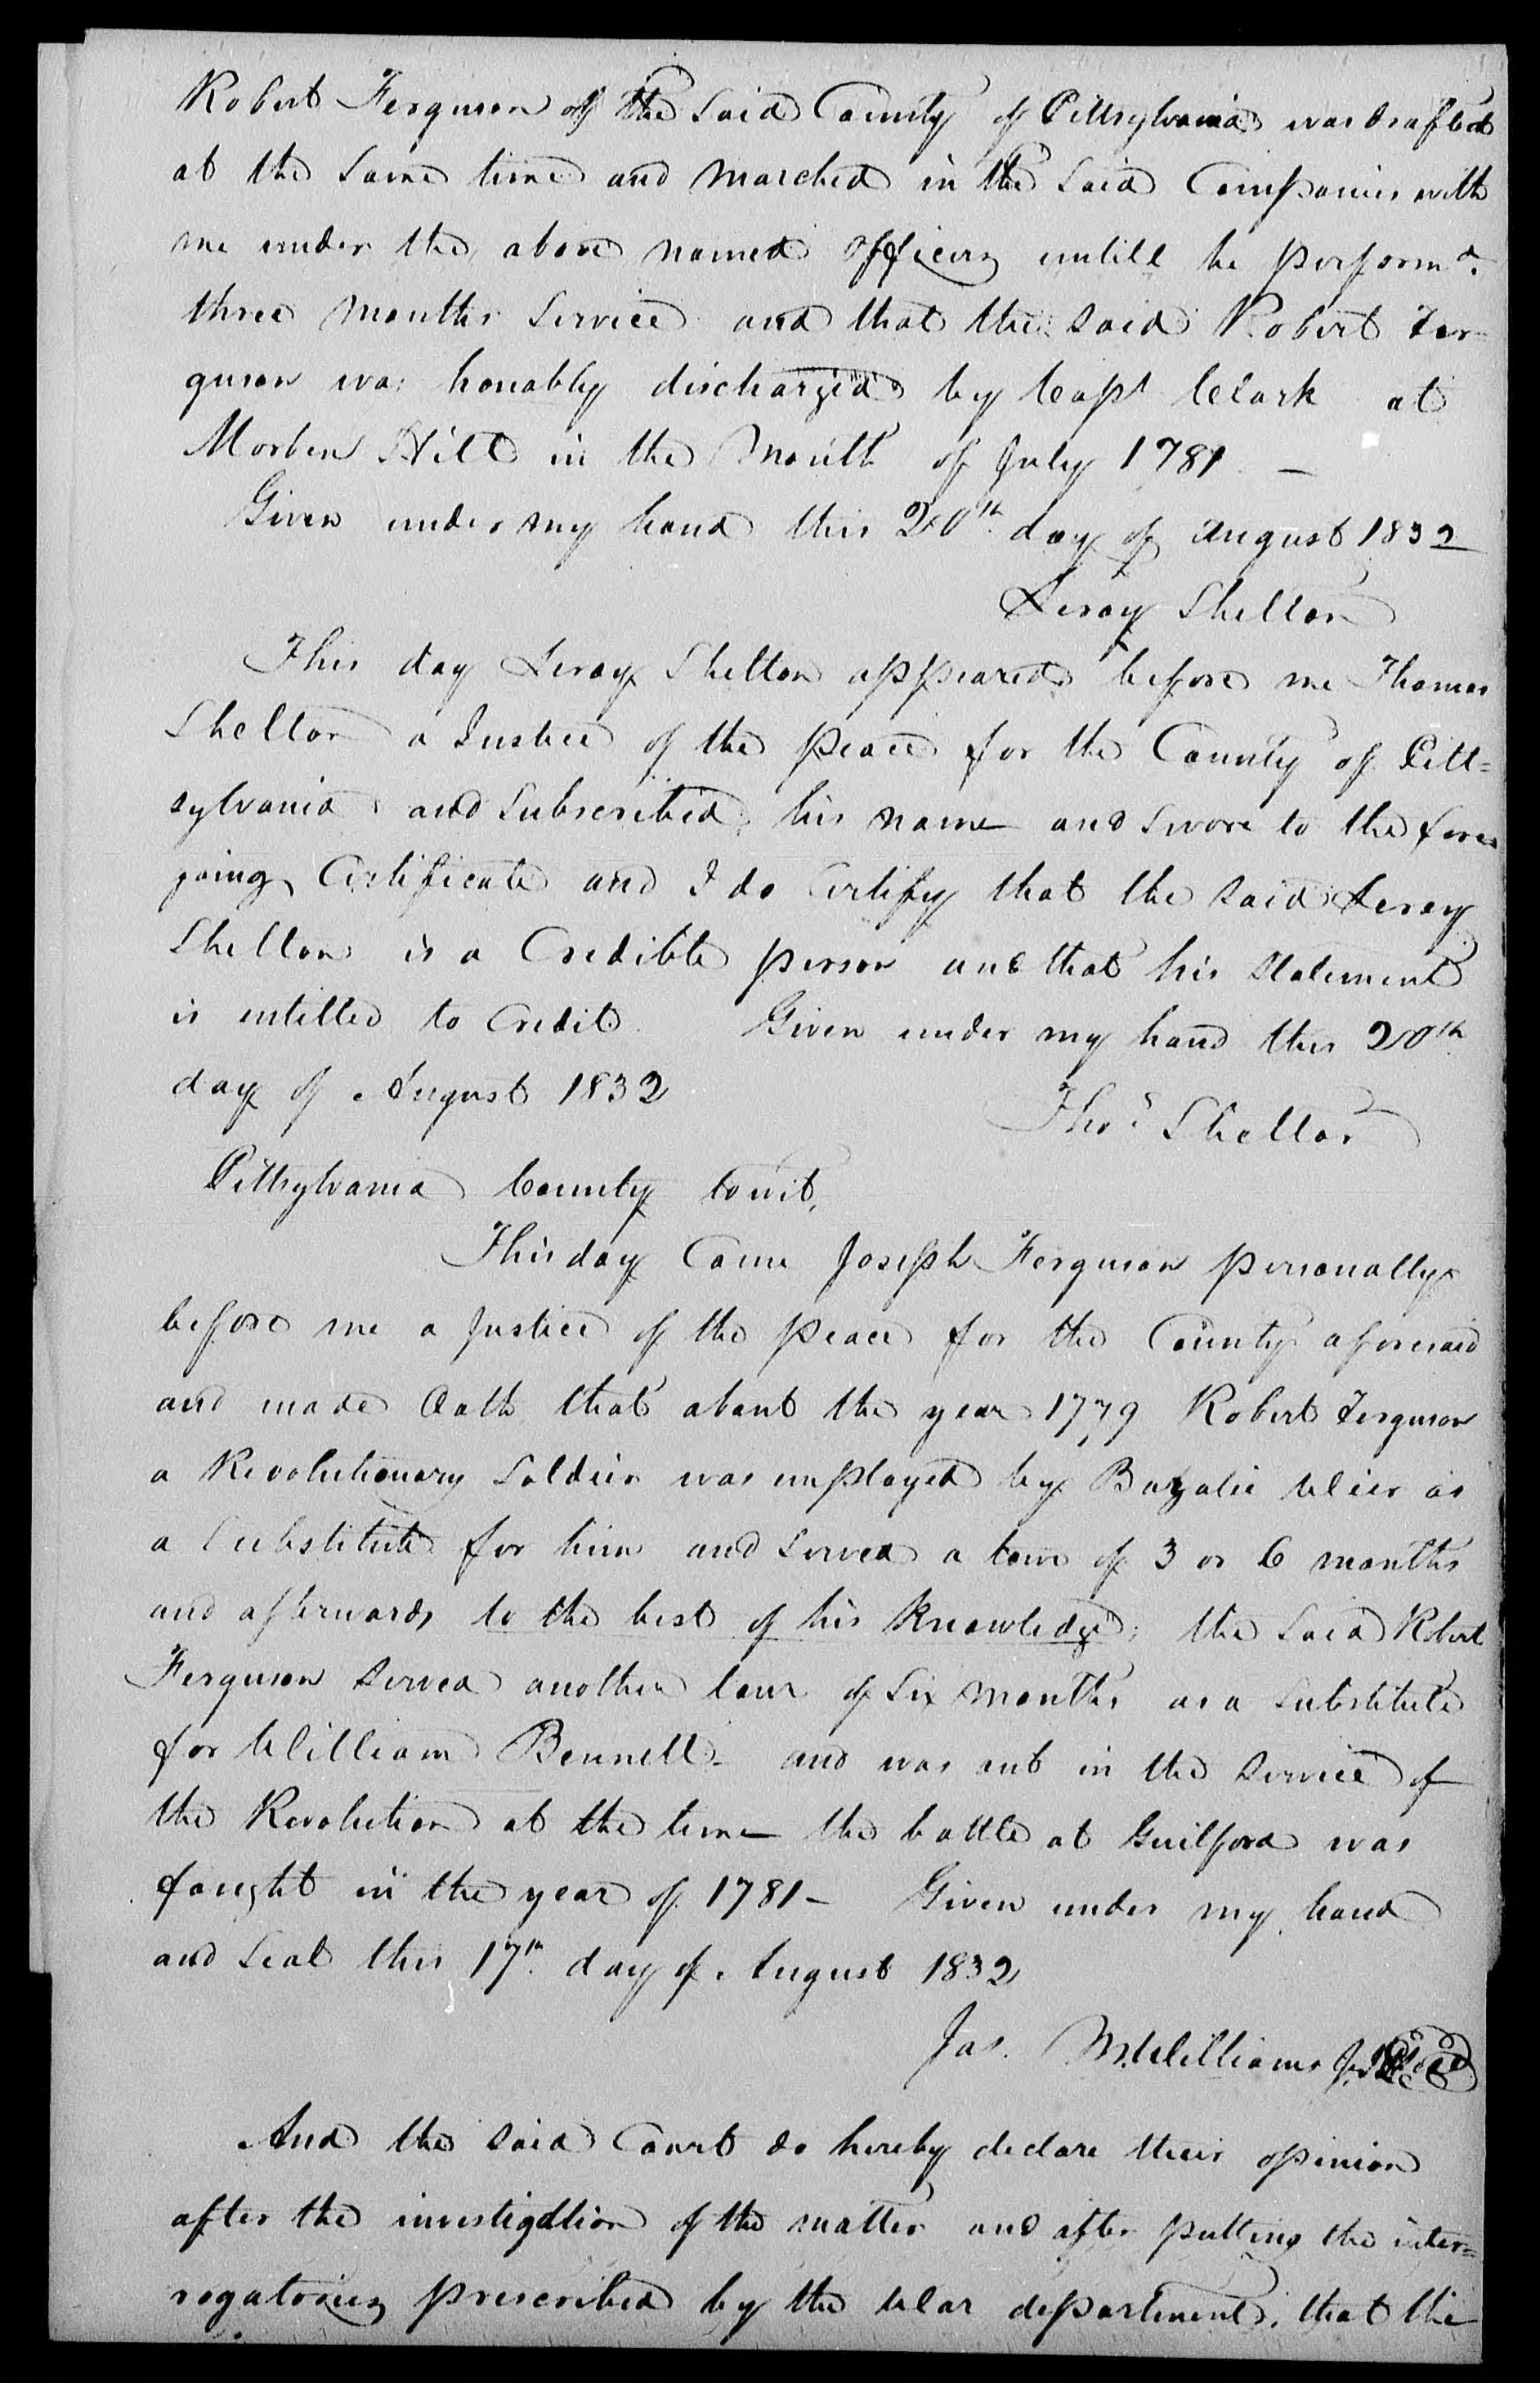Robert Ferguson of the said County of Pittsylvania was drafted
at the same time and marched in the said Companies with
me under the above named officers untill [until] he performed
three months service and that the said Robert Ferguson was honorably discharged by Capt Clark at
Morbend Hill in the month of July 1781-
Given under my hand this 20th day of August 1832
Leroy Shelton
This day Leroy Shelton appeared before me Thomas
Shelton a Justice of the peace for the County of Pittsylvania and subscribed his name and swore to the foregoing certificate and I do certify that the said Leroy
Shelton is a credible person and that his statement
is entitled to credit.
Given under my hand this 20th day of August 1832
Thos. Shelton
Pittsylvania County to wit
This day came Joseph Ferguson personally
before me a Justice of the peace for the County aforesaid
and made oath that about the year 1779 Robert Ferguson
a Revolutionary soldier was employed by Bazalie Wier as a
substitute for him and served a tour of 3 or 4 months
and afterwards to the best of his knowledge, the said Robert
Ferguson served another tour of six months as a substitute
for William Bennett and was out in the service of
the Revolution at the time the battle at Guilford was
fought in the year of 1781 - Given under my hand
and seal this 17th day of August 1832
Jas. M. William J.P.
And the said Court do hereby declare their opinion
after the investigation of the matter and after putting the interrogating prescribed by the war department, that the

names: Joseph Ferguson, Bazalie Wier, Leroy Shelton, William Bennett, Jas M Williams, Leroy Shelton, Thos Shelton, Robert Ferguson, Robert Ferguson, Leroy Shelton, Robert Ferguson, Robert Ferguson, Clark, Thomas Shelton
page: 19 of 81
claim: widow's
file: W. 7262, Robert Ferguson, Va.